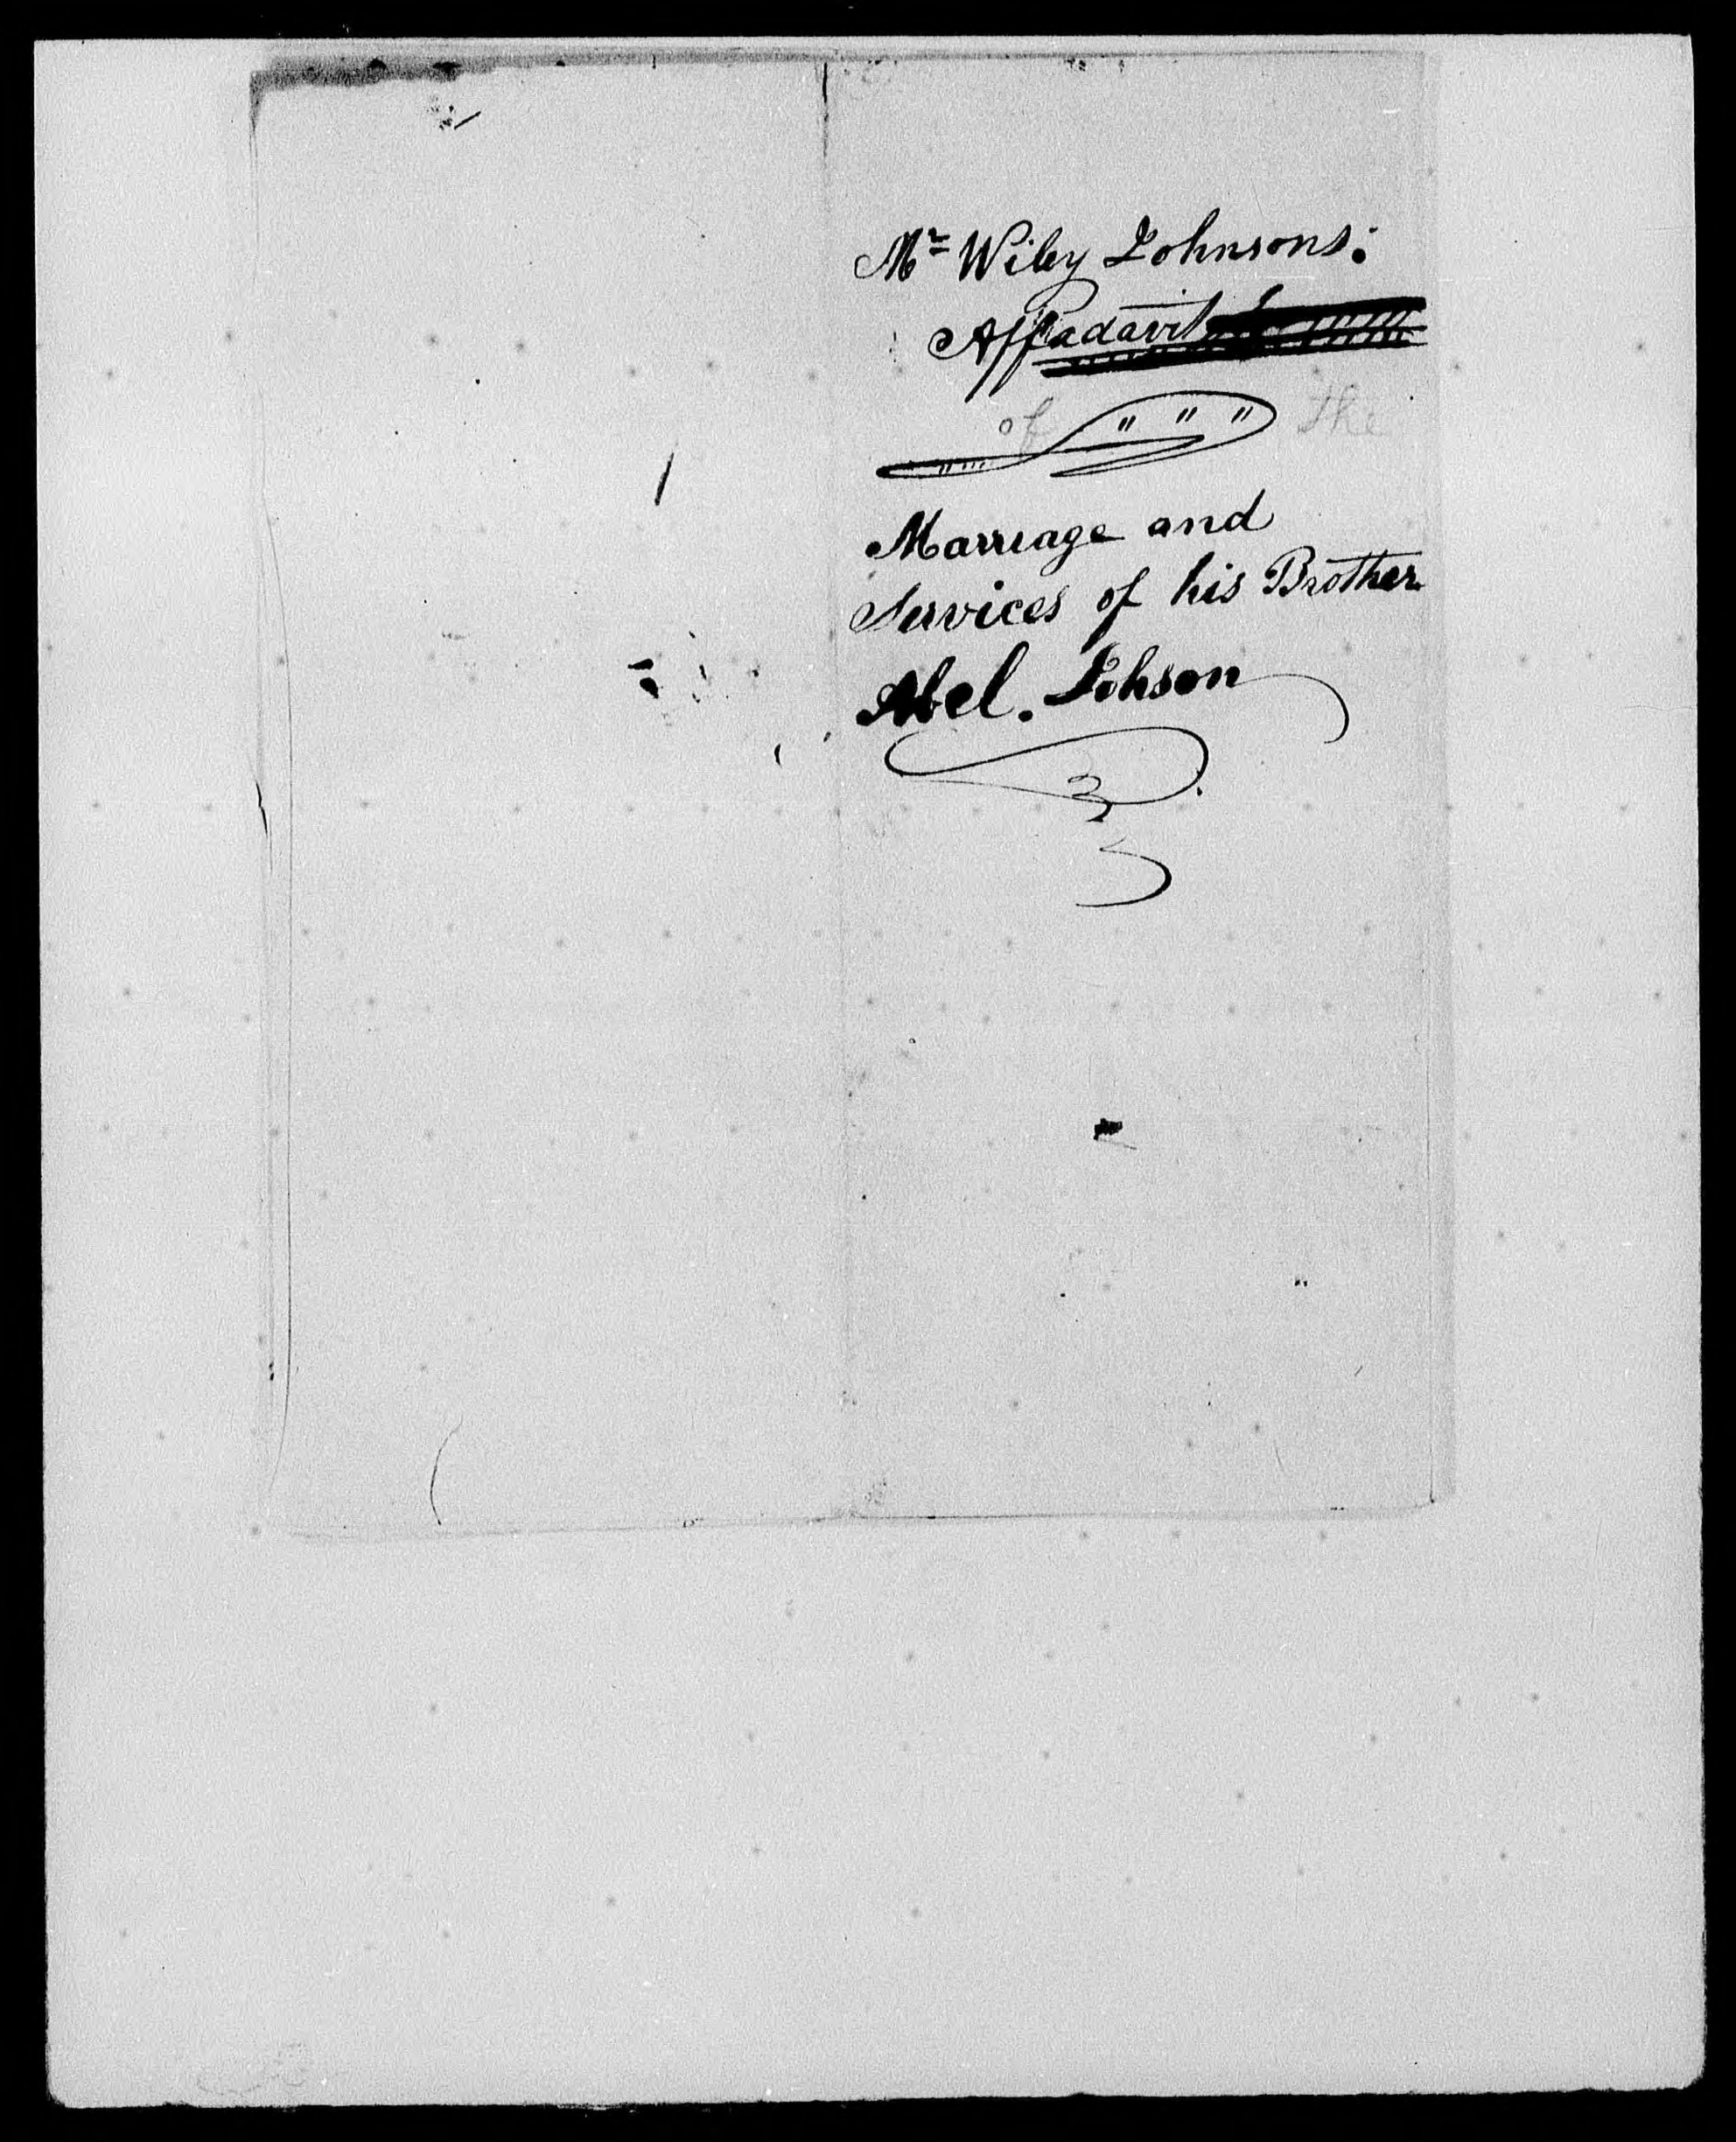Mr. Wiley Johnson 
Affidavit 
Marriage and Services of his Brother
Abel Johnson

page: 72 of 74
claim: rejected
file: R. 5600, for Abel Johnson, North Carolina